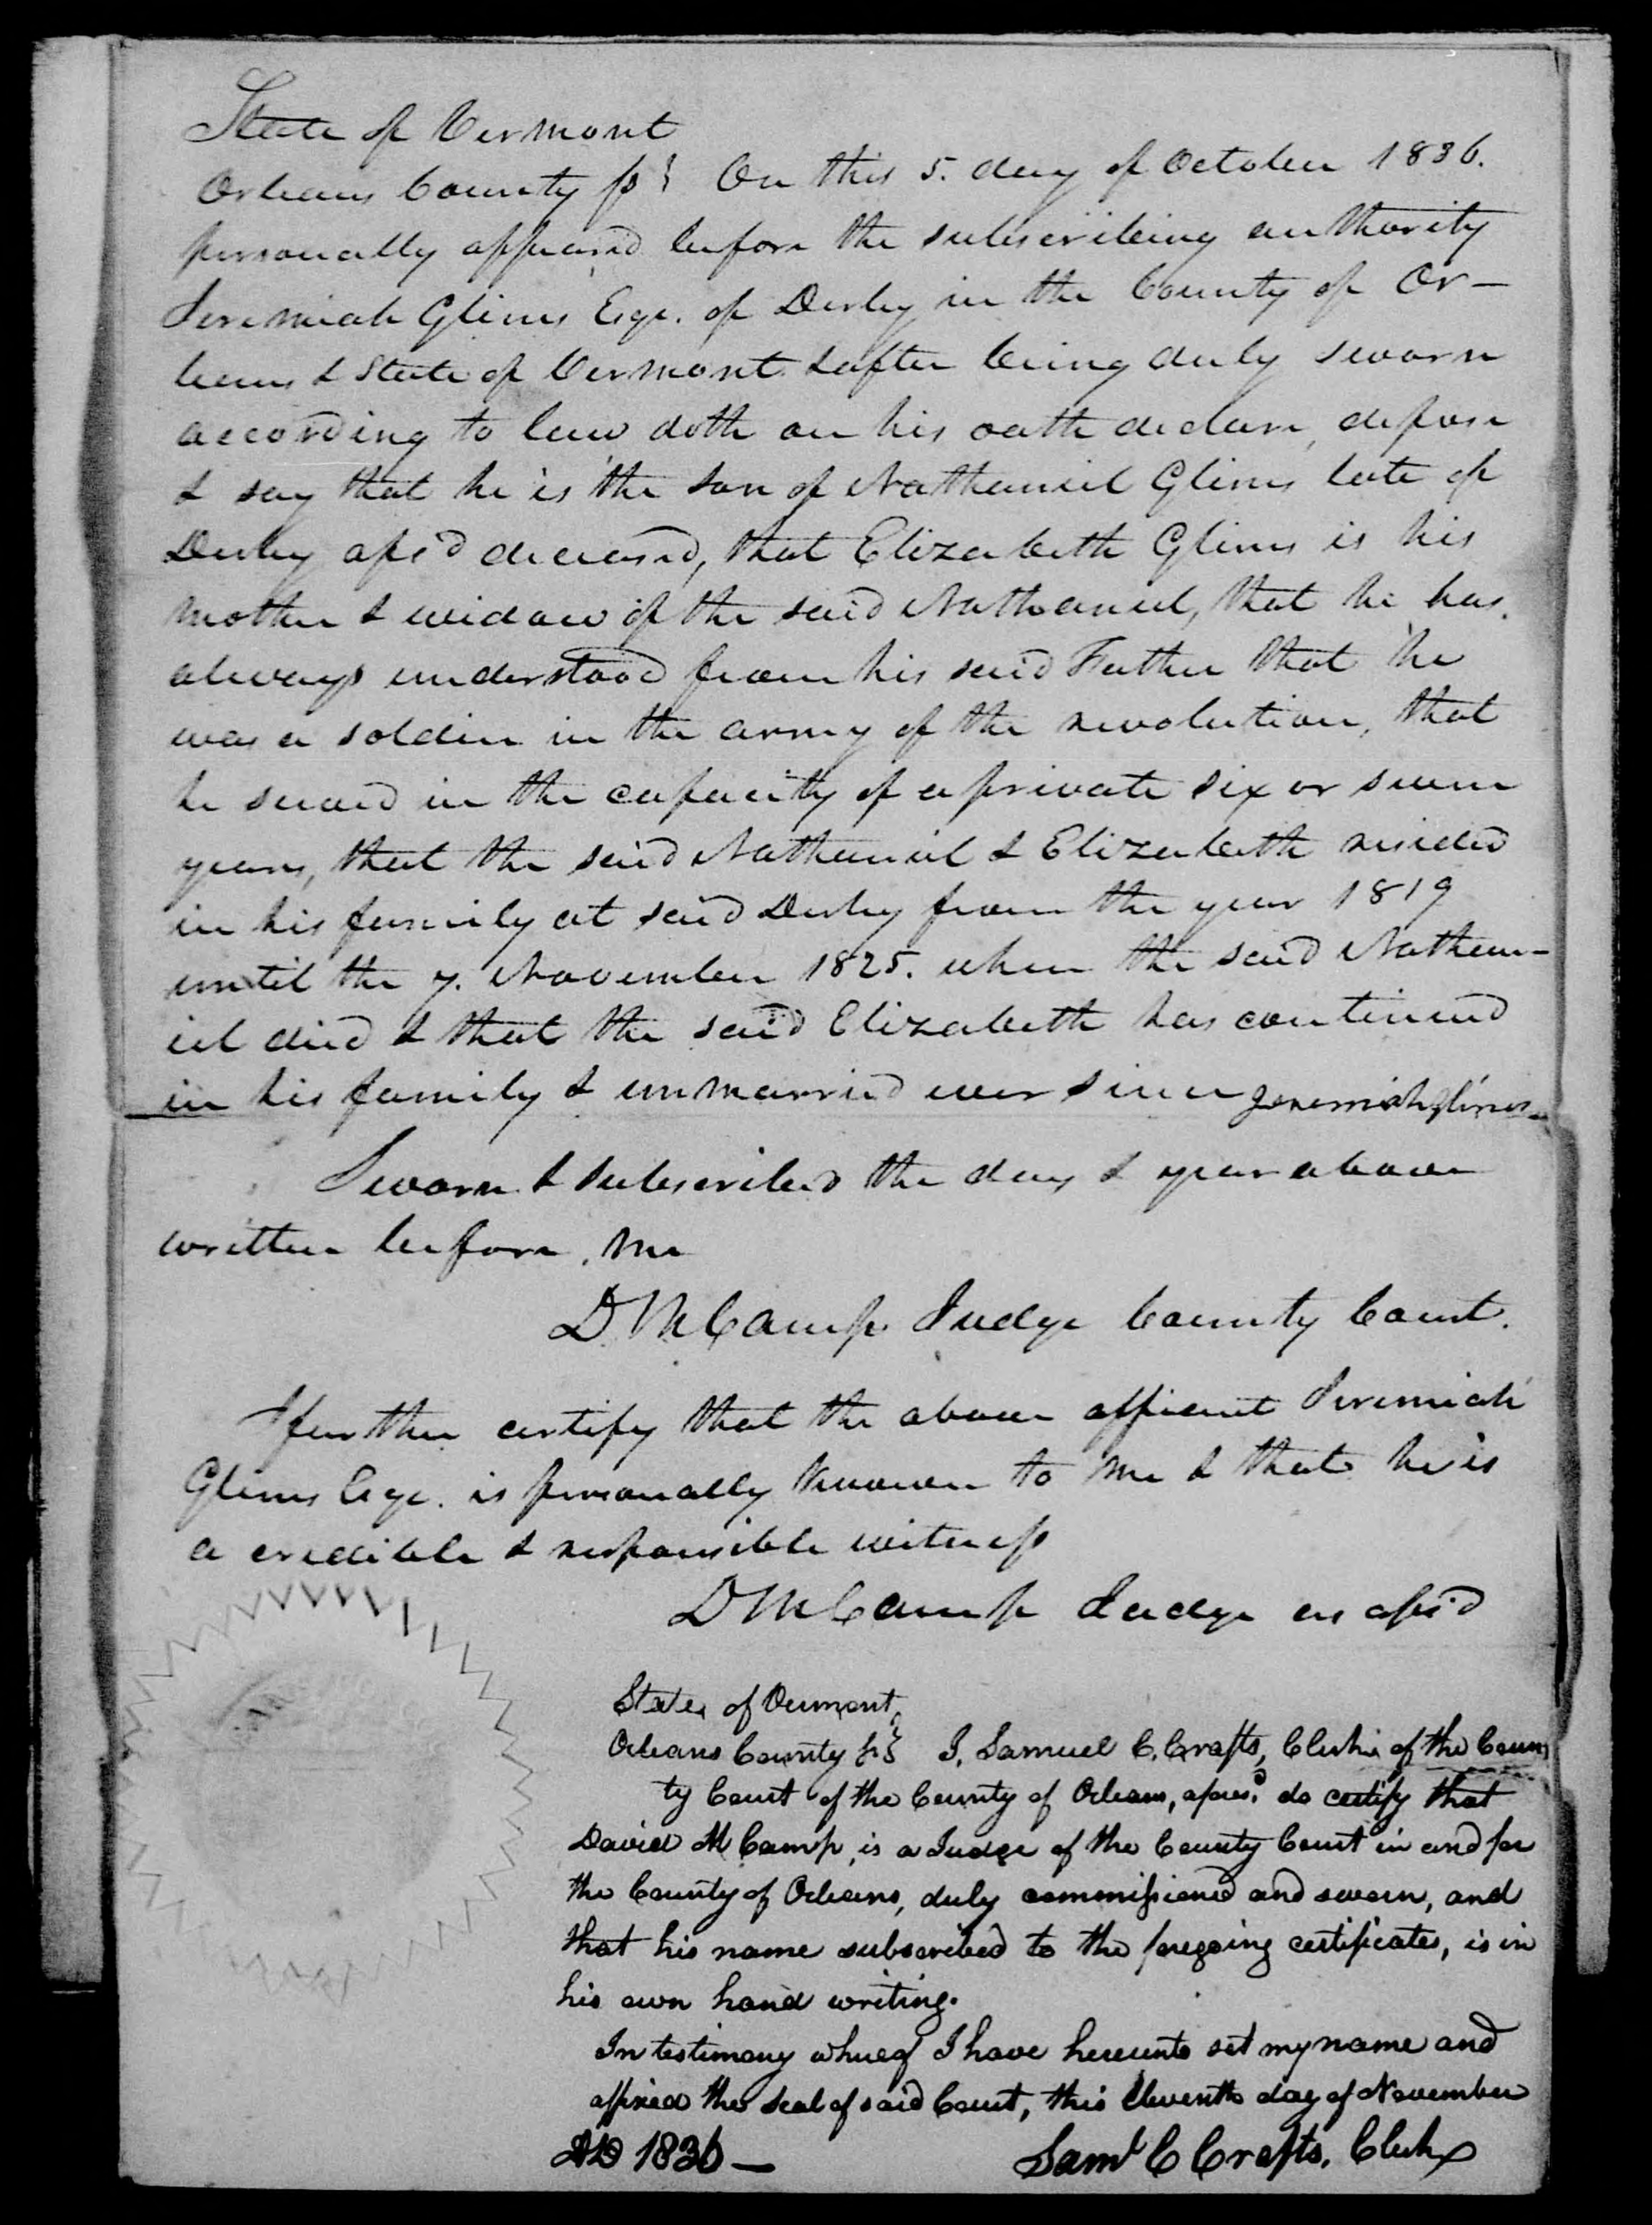State of Vermont
Orleans County Ss.}
On this 5 day October 1836
personally appeared before the subscribing authority
Jeremiah Glines Esq. of Derby in the County of Orleans
& State of Vermont & after being duly sworn
according to law doth on his oath declare, depose
& say that he is the son of Nathaniel Glines late of
Derby [illegible] deceased that Elizabeth Glines is his
mother & widow of the said Nathaniel, that he has
always understood from his said Father that he
was a soldier in the army of the Revolution, that
he served in the capacity of a private six or seven
years, that the said Nathaniel & Elizabeth resided
in his family at said Derby from the year 1819
until the 7 November 1825 when the said Nathaniel
died & that the said Elizabeth has continued 
in his family & unmarried ever since
Jeremiah Glines
Sworn & subscribed the day & year above
written before me
DM Camp Judge County Court
I further certify that the above applicant Jeremiah
Glines Esq is personally known to me & that he is
a credible & responsible witness
D M Camp Judge as afs'd
State of Vermont
Orleans County Ss.} I Samuel C. Crafts Clerk of the 
County Court of the County of Orleans, afores'd do certify that
David M Camp is a Judge of the County Court in and for
the County of Orleans, duly commissioned and sworn, and
that his name subscribed to the foregoing certificate, is in
his own hand writing.
In testimony whereof I have hereunto set my name and
affixed the seal of said Court, this eleventh day of November
AD 1836 - 
Sam'l C Crafts, Clerk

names: Samuel C Crafts, Elizabeth, Nathaniel, Nathaniel Glines, Elizabeth, Nathaniel, Nathaniel, Saml C Crafts, D M Camp, D M Camp, Jeremiah Glines, David M Camp, Elizabeth Glines, Jeremiah Glines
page: 15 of 29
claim: widow's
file: W. 24,282, Nathaniel Glines, N.H.